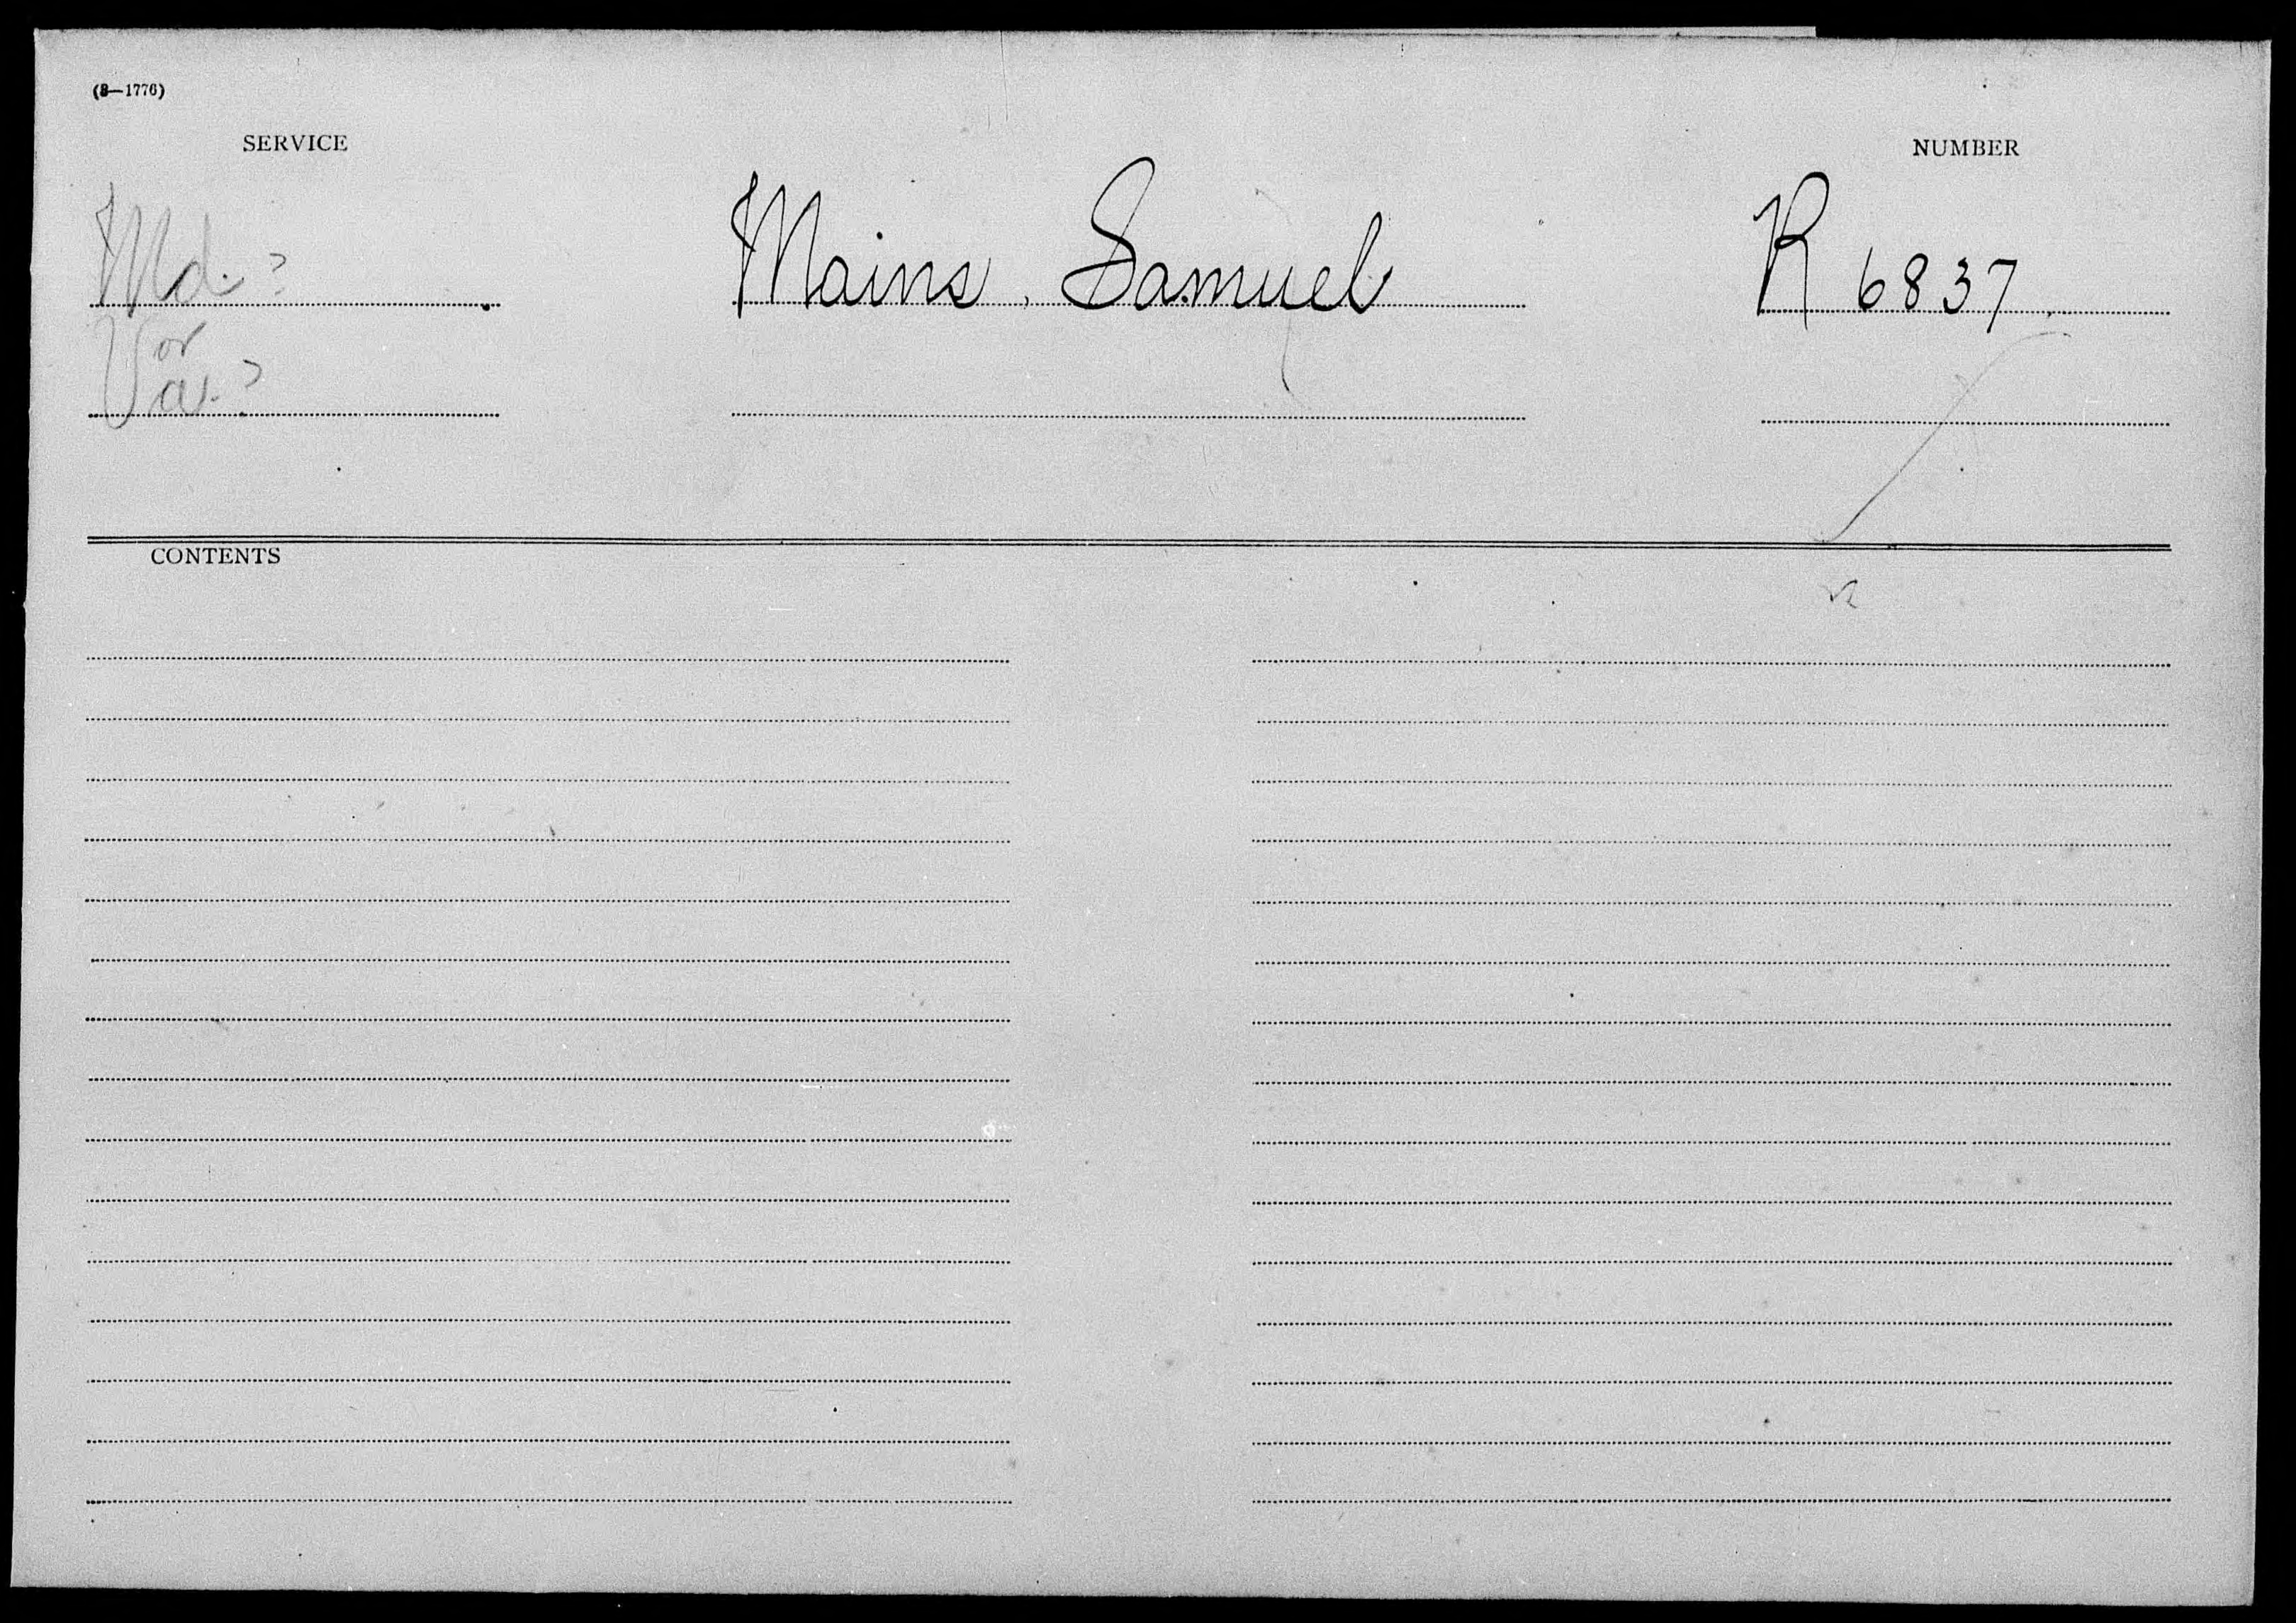(3 - 1776)
SERVICE   NUMBER
Md?  Mains, Samuel  R 6837
or Va.?

CONTENTS

[two blank columns below]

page: 1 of 11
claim: rejected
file: R 6837, for Samuel Mains, Maryland